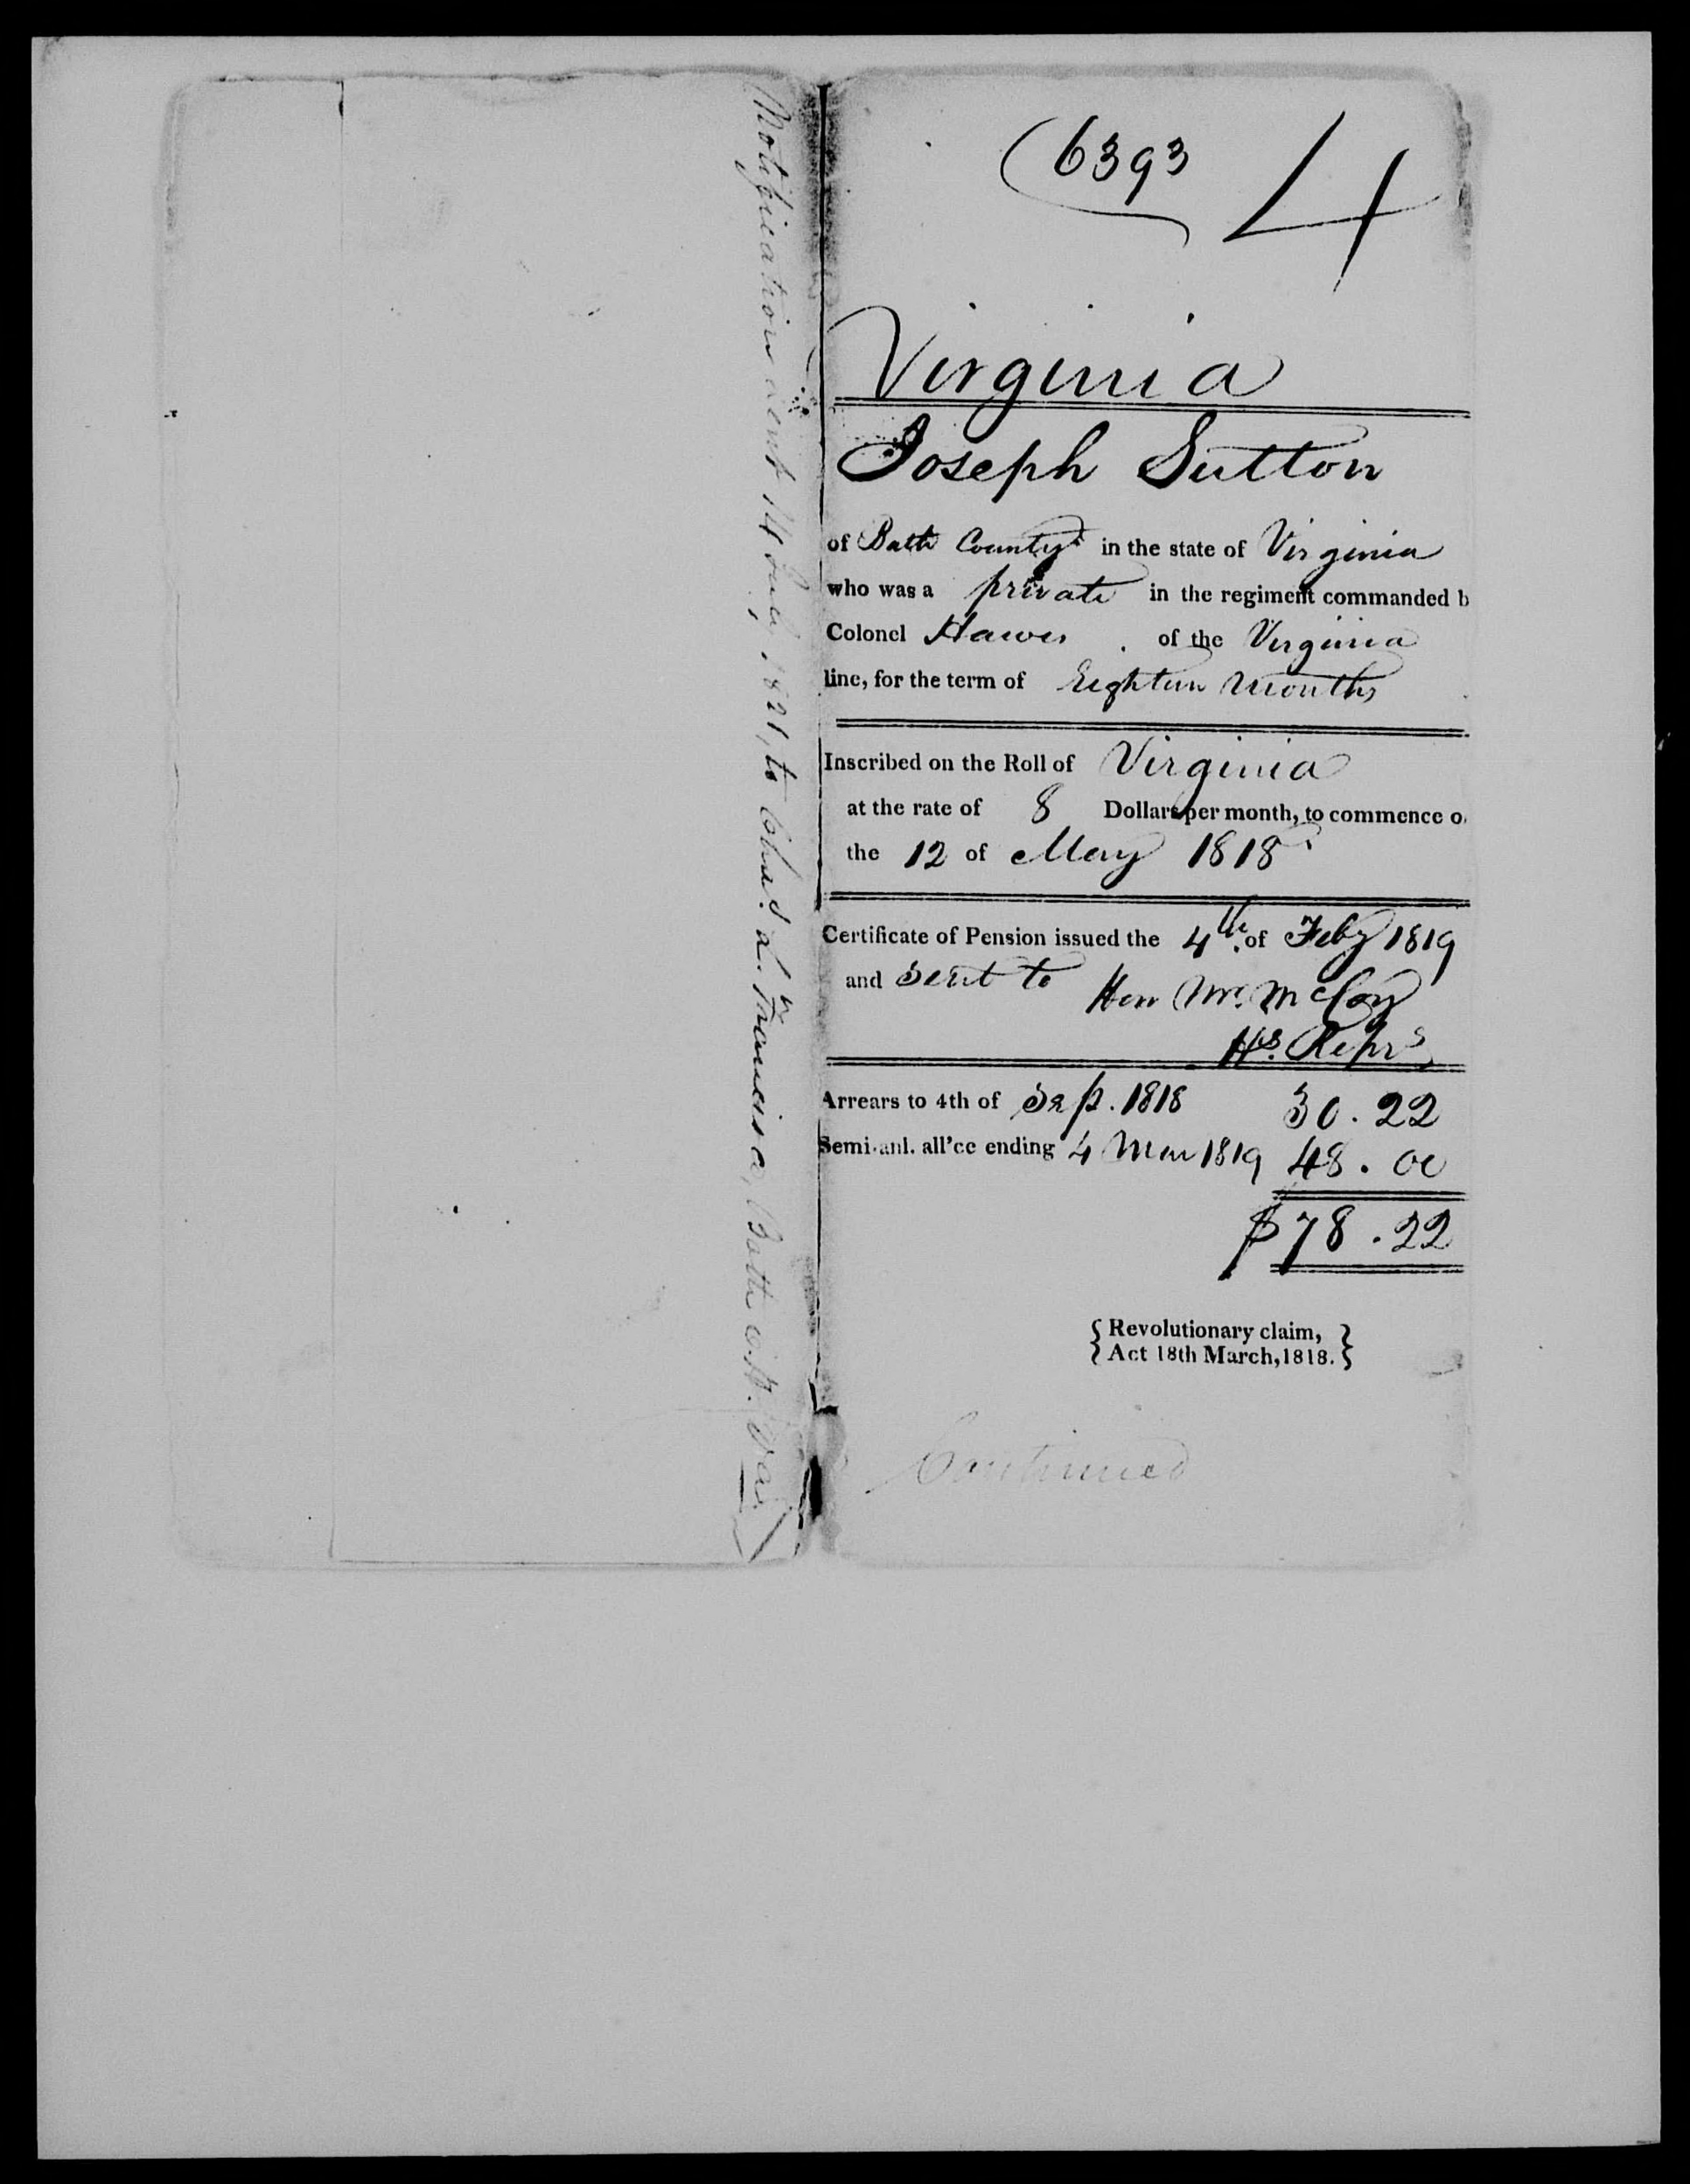6393
4
Virginia
Joseph Sutton
of Bath County in the state of Virginia
who was a private in the regiment commanded by Colonel Howes of the Virginia line for the term of eighteen months.
Inscribed on the Roll of Virginia at the rate of 8 dollars per month, to commence on the 12 of May 1818.
Certificate of pension issued the 4th of February 1819 and sent to Hon. William McCoy House of Representatives
Arrears to the 4th of September 1818 30.22
semi-annual allowance ending 4 March 1819 48.00
78.22
{Revolutionary claim,}
{Act 18th March, 1818}
Continued
notification sent 14 July 1821 to  Elias L. Francis Bath C.H. Va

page: 2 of 21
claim: survivor's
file: S. 41223, for Joseph Sutton, Virginia